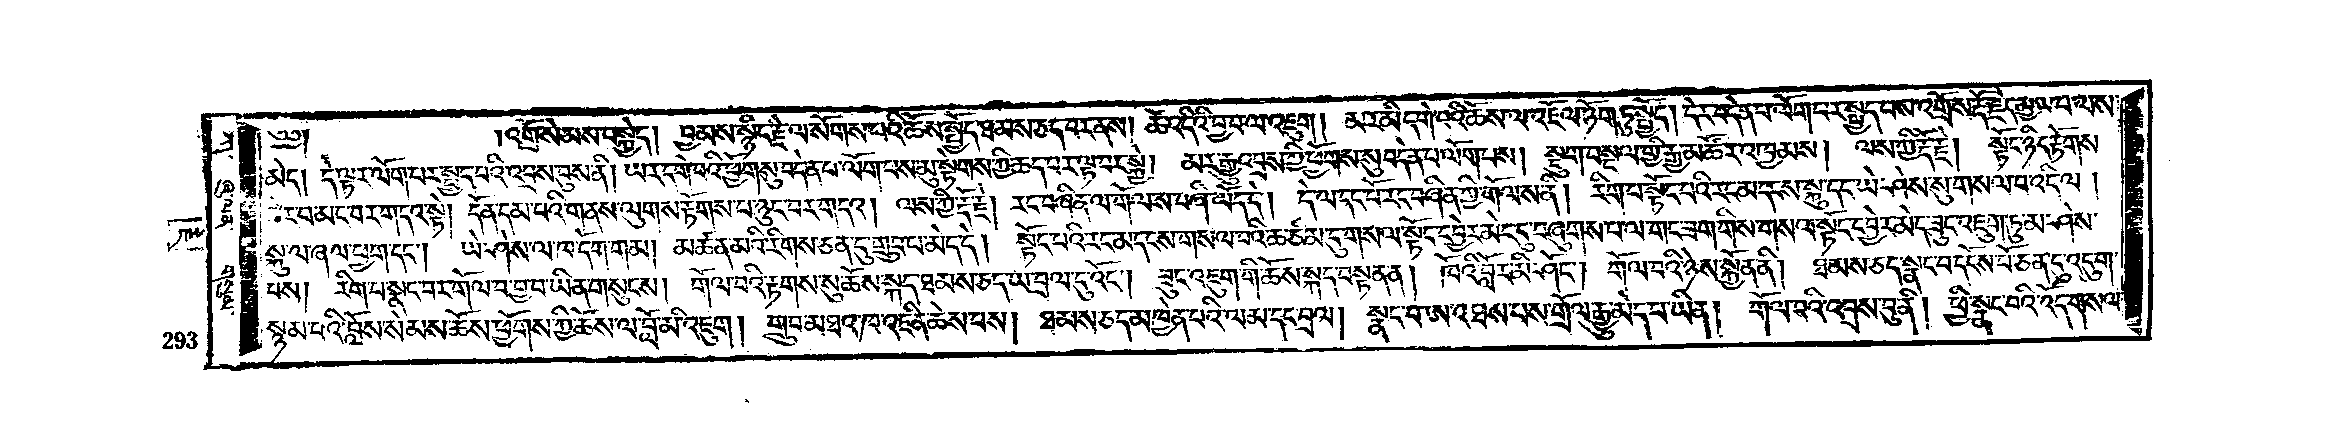༄༅། །འགྲོ་སེམས་བསྐྱེད། བྱམས་སྙིང་རྗེ་ལ་སོགས་པའི་ཆོས་སྤྱོད་ཐམས་ཅད་བར་ནས། ཚེ་འདིའི་བྱ་བ་ལ་འཇུག། མར་མི་དགེ་བའི་ཆོས་ལ་འཇོལ་ཉོག་ཏུ་སྤྱོད། དེར་བདེན་པ་ལོག་པར་སྤྱད་པས་འགྲོས་རྡོ་རྗེ་དམྱལ་བ་ལས་
མེད། དེ་ལྟར་ལོག་པར་སྤྱད་པའི་འབྲས་བུས་ནི། ཡར་དགེ་བའི་ཕྱོགས་སུ་བདེན་པ་ལོག་པས་མུ་སྟེགས་ཀྱི་ཆད་པར་ལྟ་བར་སྐྱེ། མར་རྒྱུ་འབྲས་ཀྱི་ཕྱོགས་སུ་བདེན་པ་ལོག་པས། སྡུག་བསྔལ་གྱི་རྒྱ་མཚོར་འཁྱམས། ལས་ཀྱི་རྡོ་རྗེ། སྟོང་ཉིད་རྟོགས་
ཚེར་བ་མང་བར་གདའ་སྟེ། དོན་དམ་པའི་གནས་ལུགས་རྟོགས་པ་ཉུང་བར་གདའ། ལས་ཀྱི་རྡོ་རྗེ། རང་བཞིན་ལ་གོལ་ས་བཞི་ཡོད་དེ། དེ་ལ་དང་པོ་རང་བཞིན་ཀྱི་གོལ་ས་ནི། རིག་པ་སྟོང་པའི་རང་མདངས་སྐུ་དང་ཡེ་ཤེས་སུ་གསལ་བ་འདི་ལ།
སྐུ་ལ་ཞལ་ཕྱག་དང་། ཡེ་ཤེས་ལ་ཁ་དོག་གམ། མཚན་མའི་རིགས་ཅན་དུ་གྲུབ་པ་མེད་དེ། སྟོང་པའི་རང་མདངས་གསལ་བའི་ཆ་ཙམ་དུ་གསལ་སྟོང་དབྱེར་མེད་དུ་བཞུགས་པ་ལ་གང་ཟག་གིས་གསལ་སྟོང་དབྱེར་མེད་ཟུང་འཇུག་ཏུ་མ་ཤེས་
པས། རིག་པ་སྣང་བར་གོལ་བ་བྱ་བ་ཡིན་གསུངས། གོལ་བའི་རྟགས་སུ་ཆོས་སྐད་ཐམས་ཅད་ཡ་བྲལ་དུ་འོང་། ཟུང་འཇུག་གི་ཆོས་སྐད་བསྟན་ན། ཁོའི་བློར་མི་ཤོང་། གོལ་བའི་ཉེས་སྐྱོན་ནི། ཐམས་ཅད་སྣང་བ་དངོས་པོ་ཅན་དུ་འདུག་
སྙམ་པའི་བློས་སེམས་ཆོས་ཕྱོགས་ཀྱི་ཆོས་ལ་བློ་མི་འཇུག། གྲུབ་མཐའ་ཁ་འཛིན་ཆེས་པས། ཐམས་ཅད་མཁྱེན་པའི་ལམ་དང་བྲལ། སྣང་བ་ཨ་འཐས་པས་གྲོལ་རྒྱུ་མེད་པ་ཡིན། གོལ་བའི་འབྲས་བུ་ནི། ཕྱི་སྣང་བའི་འོད་གསལ་